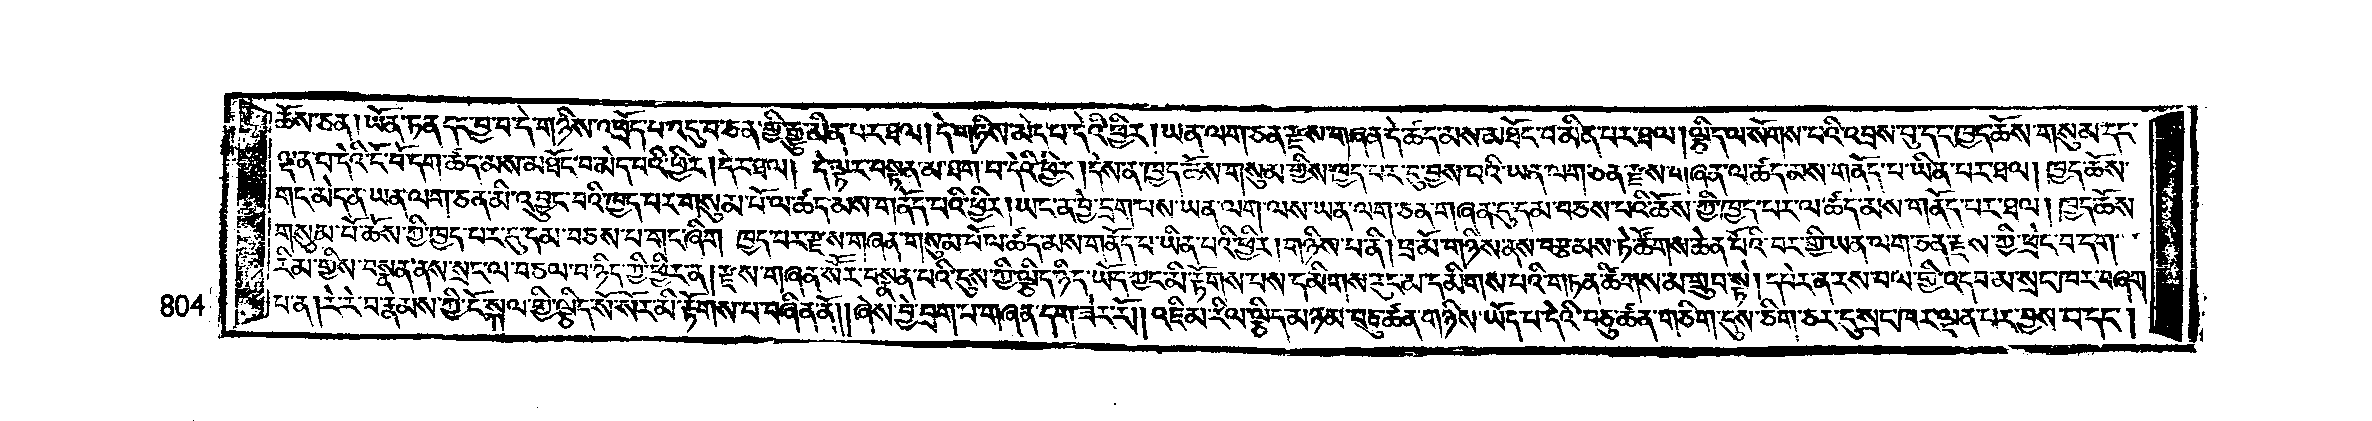ཆོས་ཅན། ཡོན་ཏན་དང་བྱ་བ་དེ་གཉིས་འཕྲོད་པ་འདུ་བ་ཅན་གྱི་རྒྱུ་མིན་པར་ཐལ། དེ་གཉིས་མེད་པ་དེའི་ཕྱིར། ཡན་ལག་ཅན་རྫས་གཞན་དེ་ཚད་མས་མཐོང་བ་མིན་པར་ཐལ། ལྕིད་ལ་སོགས་པའི་འབྲས་བུ་དང་ཁྱད་ཆོས་གསུམ་དང་
ལྡན་པ་དེའི་ངོ་བོ་དག་ཚད་མས་མཐོང་བ་མེད་པའི་ཕྱིར། དེར་ཐལ། དེ་ལྟར་བསྟན་མ་ཐག་པ་དེའི་ཕྱིར། དེས་ན་ཁྱད་ཆོས་གསུམ་གྱིས་ཁྱད་པར་དུ་བྱས་པའི་ཡན་ལག་ཅན་རྫས་གཞན་ལ་ཚད་མས་གནོད་པ་ཡིན་པར་ཐལ། ཁྱད་ཆོས་
གང་མེད་ན་ཡན་ལག་ཅན་མི་འབྱུང་བའི་ཁྱད་པར་གསུམ་པོ་ལ་ཚད་མས་གནོད་པའི་ཕྱིར། ཡང་ན་བྱེ་བྲག་པས་ཡན་ལག་ལས་ཡན་ལག་ཅན་གཞན་དུ་དམ་བཅས་པའི་ཆོས་ཀྱི་ཁྱད་པར་ལ་ཚད་མས་གནོད་པར་ཐལ། ཁྱད་ཆོས་
གསུམ་པོ་ཆོས་ཀྱི་ཁྱད་པར་དུ་དམ་བཅས་པ་གང་ཞིག་ཁྱད་པར་རྫས་གཞན་གསུམ་པོ་ལ་ཚད་མས་གནོད་པ་ཡིན་པའི་ཕྱིར། གཉིས་པ་ནི། ཕྲ་མོ་གཉིས་ནས་བརྩམས་ཏེ་ཚོགས་ཆེན་པོའི་བར་གྱི་ཡན་ལག་ཅན་རྫས་ཀྱི་ཕྲེང་བ་དག་
རིམ་གྱིས་བསྣན་ནས་སྲང་ལ་བཅལ་བ་ཉིད་ཀྱི་ཕྱིར་ན། རྫས་གཞན་སཽར་བསྣན་པའི་དུས་ཀྱི་ལྕིད་ཉིད་ཡོད་ཀྱང་མི་རྟོགས་པས་དམིགས་རུང་མ་དམིགས་པའི་གཏན་ཚིགས་མ་གྲུབ་སྟེ། དཔེར་ན་རས་བལ་གྱི་འདབ་མ་སྲང་ཁར་བཞག་
པ་ན། རེ་རེ་བ་རྣམས་ཀྱི་ངོ་སྐལ་གྱི་ལྕིད་སོ་སོར་མི་རྟོགས་པ་བཞིན་ནོ། །ཞེས་བྱེ་བྲག་པ་གཞན་དག་ཟེར་རོ། །འཇིམ་རིལ་ལྕིད་མཉམ་བཅུ་ཚན་གཉིས་ཡོད་པ་དེའི་བཅུ་ཚན་གཅིག་དུས་ཅིག་ཅར་དུ་སྲང་ཁར་ལྡན་པར་བྱས་པ་དང་།